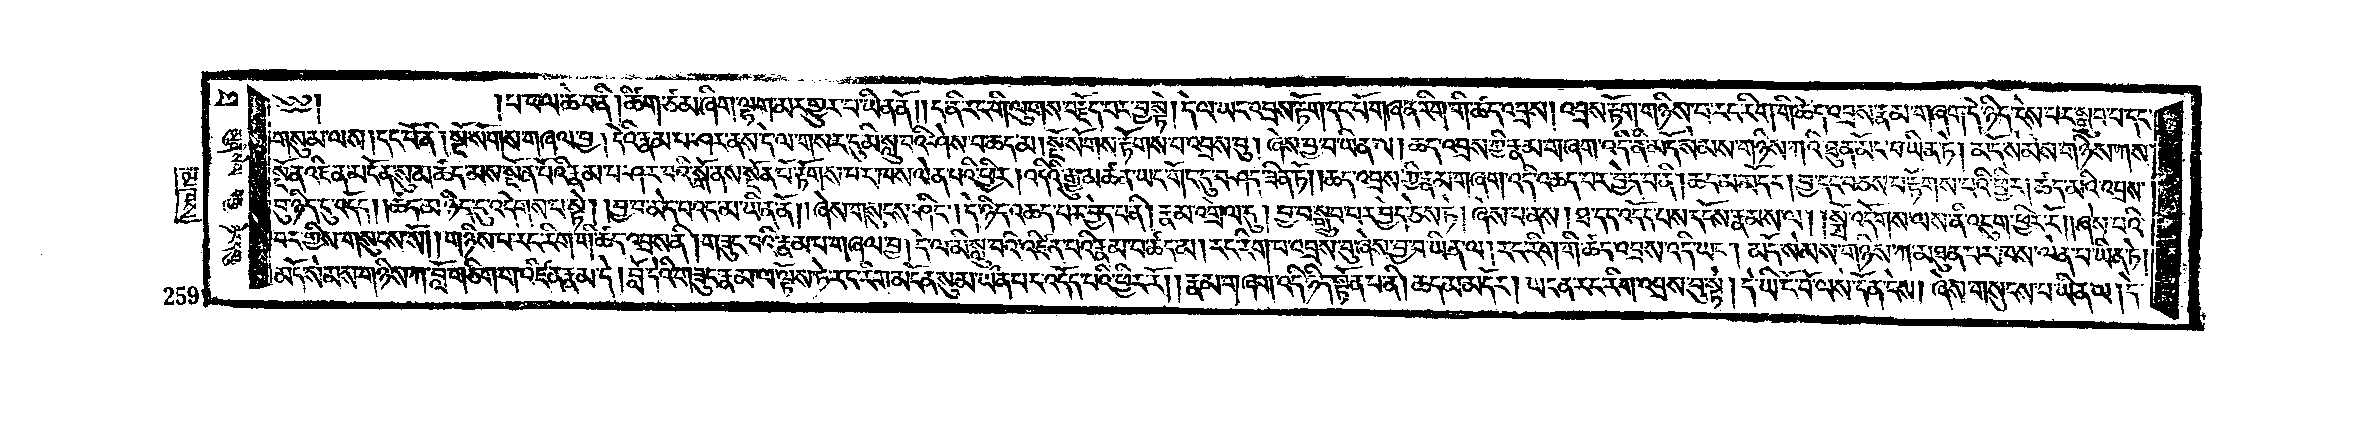༄༅། །པ་ཕལ་ཆེ་བ་ནི། ཚིག་ཙམ་ཞིག་ལྷག་མར་གྱུར་པ་ཡིན་ནོ། །ད་ནི་རང་གི་ལུགས་བརྗོད་པར་བྱ་སྟེ། དེ་ལ་ཡང་འབྲས་རྟོག་དང་པོ་གཞན་རིག་གི་ཚད་འབྲས། འབྲས་རྟོག་གཉིས་པ་རང་རིག་གི་ཚད་འབྲས་རྣམ་གཞག་དེ་ཉིད་ངེས་པར་སྒྲུབ་པ་དང་
གསུམ་ལས། དང་པོ་ནི། སྔོ་སོགས་གཞལ་བྱ། དེའི་རྣམ་པ་ཤར་ནས་དེ་ལ་གསར་དུ་མི་སླུ་བའི་ཤེས་པ་ཚད་མ། སྔོ་སོགས་རྟོགས་པ་འབྲས་བུ། ཞེས་བྱ་བ་ཡིན་ལ། ཚད་འབྲས་ཀྱི་རྣམ་གཞག་འདི་ནི་མདོ་སེམས་གཉིས་ཀའི་ཐུན་མོང་བ་ཡིན་ཏེ། མདོ་སེམས་གཉིས་ཀས་
སྔོན་འཛིན་མངོན་སུམ་ཚད་མས་སྔོན་པོའི་རྣམ་པ་ཤར་བའི་སྒོ་ནས་སྔོན་པོ་རྟོགས་པར་ཁས་ལེན་པའི་ཕྱིར། འདིའི་རྒྱུ་མཚན་ཡང་གོང་དུ་བཤད་ཟིན་ཏོ། །ཚད་འབྲས་ཀྱི་རྣམ་གཞག་འདི་འཆད་པར་བྱེད་པ་ནི། ཚད་མ་མདོར། བྱ་དང་བཅས་པ་རྟོགས་པའི་ཕྱིར། ཚད་མའི་འབྲས་
བུ་ཉིད་དུ་འདོད། །ཚད་མ་ཉིད་དུ་འདོགས་པ་སྟེ། །བྱ་བ་མེད་པའང་མ་ཡིན་ནོ། །ཞེས་གསུངས་ཤིང་། དེ་ཉིད་འཆད་པར་བྱེད་པ་ནི། རྣམ་འགྲེལ་དུ། བྱ་བ་སྒྲུབ་པར་བྱེད་ཅེས་ཏེ། ཞེས་པ་ནས། ཐ་དད་འདོད་པས་དངོས་རྣམས་ལ། །སྒྲོ་འདོགས་ལས་ནི་འཇུག་ཕྱིར་རོ། །ཞེས་པའི་
བར་གྱིས་གསུངས་སོ། །གཉིས་པ་རང་རིག་གི་ཚད་འབྲས་ནི། གཟུང་བའི་རྣམ་པ་གཞལ་བྱ། དེ་ལ་མི་སླུ་བའི་འཛིན་པའི་རྣམ་པ་ཚད་མ། རང་རིག་པ་འབྲས་བུ་ཞེས་བྱ་བ་ཡིན་ལ། རང་རིག་གི་ཚད་འབྲས་འདི་ཡང་། མདོ་སེམས་གཉིས་ཀ་མཐུན་པར་ཁས་ལེན་པ་ཡིན་ཏེ།
མདོ་སེམས་གཉིས་ཀ་བློ་གཅིག་གི་འཛིན་རྣམ་དེ། བློ་དེའི་གཟུང་རྣམ་ལ་ལྟོས་ཏེ་རང་རིག་མངོན་སུམ་ཡིན་པར་འདོད་པའི་ཕྱིར་རོ། །རྣམ་གཞག་འདི་ཉིད་སྟོན་པ་ནི། ཚད་མ་མདོར། ཡང་ན་རང་རིག་འབྲས་བུ་སྟེ། དེ་ཡི་ངོ་བོ་ལས་དོན་ངེས། ཞེས་གསུངས་པ་ཡིན་ལ། དེ་